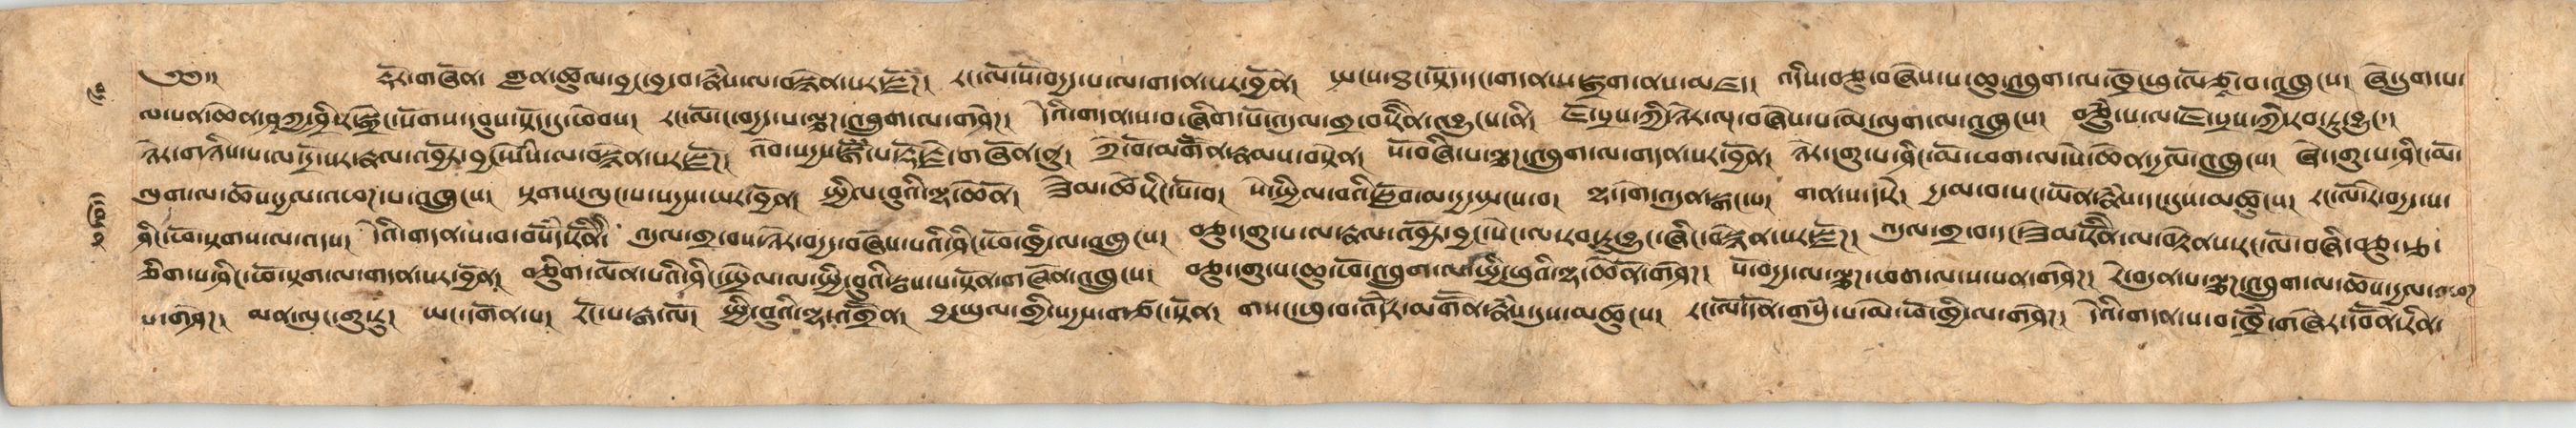རྡོར་གཞོན། གླན་ཚུལ་བྱང་བྱ་བ་རྣཾས་ལ་བསྙེན་པར་སྫོཌ། རང་ལོ་སོ་བདྱད་པ་ལ་གདན་སར་བྱོན། སྤངས་ཐང་སྟོད་དང་གདན་ས་སྒྲག་ནས་མཛད། འདིས་བཅུ་བཞེས་པ་ཆུ་འབྲུག་ལ་ཁྲོ་ཕུ་ལོ་ཙཱ་བ་འཁྲུངས། ཞེ་དྲུག་པ
ལ་པཎ་ཆེན་ཤཱཀྱ་ཤྲཱི་ར་སྒྲེང་སོགས་དབུས་སྟོད་དུ་ཕེབས། རང་ལོ་ང་བདྱད་པ་ལྕཌ་འབྲུག་ལ་གཤེཌ། དེའི་གདན་ས་བ་ཞིག་པོ་འདུལ་གྲ་བ་རིནེ་འབྱུངས་ནི། ཇོ་སྲས་ཀྱི་ཉེར་ལྔ་བཞེས་པ་མེ་ལུག་ལ་འཁྲུངས། བཅྲུཾ་པ་ལ་ཇོ་སྲས་ཀྱི་རབ་ཏུ་བྱུང་།
ཉེར་གཉིས་པ་ལ་དྲོ་སར་རྣལ་འབྱོར་བྱང་སེསཾ་ལ་བསྙེན་པར་སྫོཌ། འབེ་སདྱས་སྒོཾ་པ་རྡོ་རྗེ་གཞོན་ནུ། ཀྲེ་བོ་མགཽན་རྣམས་བསྟེན། སོ་བཞི་པ་ལྕཌ་འབྲུག་ལ་གདན་སར་བྱོན། ཉེར་དགུ་པ་ཤིང་མོ་ཕག་ལ་སེ་ཆེན་དྱལོ་འཁྲུངས། ཞེ་དགུ་པ་ཤིང་མོ་
ལུག་ལ་ཆོས་དྱལ་འཕཌ་པ་འཁྲུངས། སྟགས་ལུང་པ་སདྱས་ཡར་བྱོན། སྤྱིལ་བུའི་ལྷ་ཆེནོ། ཟེམ་ཚེ་རིང་པོ་བ། སེ་སྤྱིལ་བའི་སློབ་མ་དྱ་སྤངས་བ། ལྷ་དགེ་འདུན་སྒང་པ། གན་ས་ད་རེ། དྱ་མ་བ་སང་ཡོན་རྣཾས་དང་དུས་མཚུངས། རང་ལོ་རེ་བདྱད་པ་
ཤིང་ཕོ་སྟགས་ལ་འདས། དེའི་གདན་ས་བ་བསོདཾ་རིནོ་ི འདུལ་གྲ་བས་ཉེར་བདྱད་བཞེས་པའི་ཤིང་ཕོ་ཁྱི་ལ་འཁྲུངས། བཅུ་དགུ་པ་ལ་རྣལ་འབྱོར་བྱང་སེང་ལ་རབ་ཏུ་བྱུང་ཞིང་བསྙེན་པར་སྫོཌ། འདུལ་གྲ་བ་དང་ཟེམ་རིནོ་ེལ་བརྟེནས་རང་ལོ་བཞི་བཅུ་རྩ་
ཅིག་པ་ཤིང་ཕོ་སྟག་ལ་གདན་སར་བྱོན། བཅིུག་མོན་པའི་ཤིང་སྤྲེལ་ལ་སྤྱི་བུའི་སྦས་པ་སྟོན་གཞོན་འཁྲུངས། བཅུ་དགུ་པ་ཆུ་ཕོ་འབྲུག་ལ་སྤྱིལ་ཕུའི་ལྷ་ཆེནོ་གཤེཌ། སོ་བདྱད་ལ་ལྕཌ་ཕག་ལ་ས་པན་གཤེཌ། རེ་བདུན་པ་ལྕཌ་འབྲུག་ལ་ཆོས་དྱལ་འཕཌ་
པ་གཤེཌ། མན་ལུང་གུ་རུ། ཡང་དགོན་པ། རོང་པ་རྒ་ལོ། སྤྱི་བུའི་ལྷ་འགྲཽན། བྱ་ཡུལ་གྱི་སདྱས་གཙང་སྟོན། གསང་ཕུ་བ་འདོརེ་མགཽན་རྣཾས་དུས་མཚུངས། རང་ལོ་དོན་གསུཾ་པ་མེ་ཕོ་ཁྱི་ལ་གཤེཌ། དེའི་གདན་ས་བ་ཁྲོཾ་གཞེར་དབཽན་རིན་